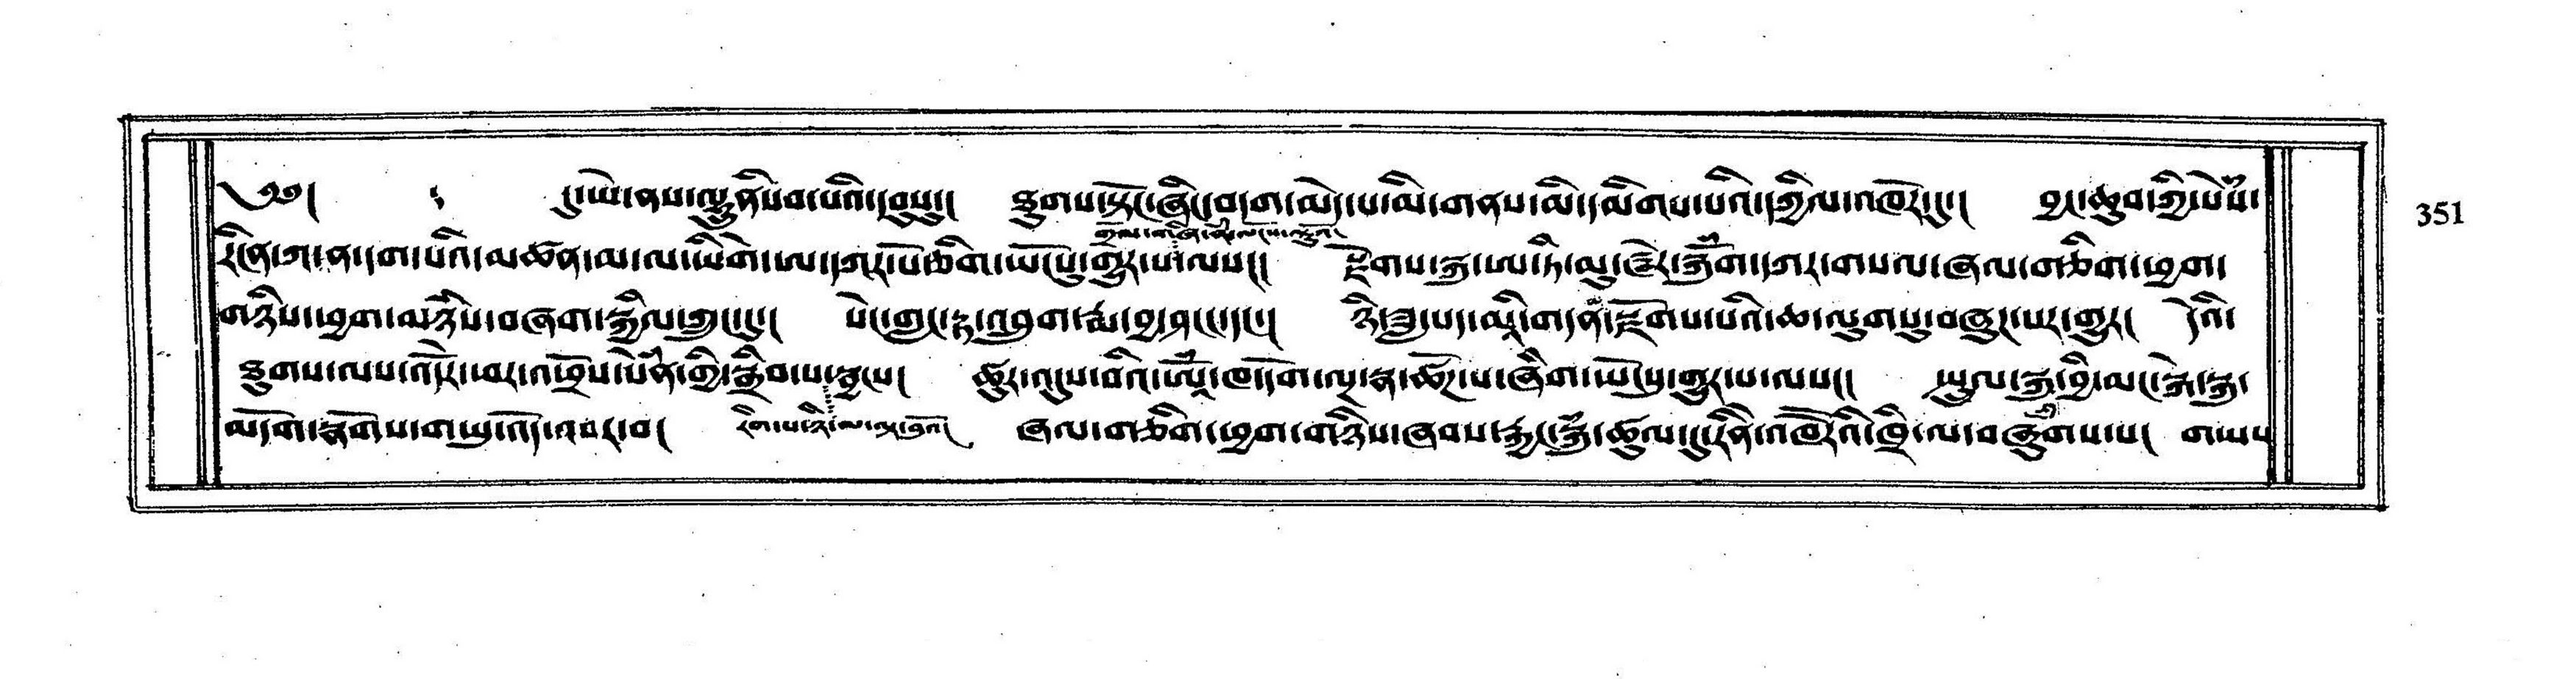དུ་ཡེ་ནས་ལྷུན་གྱིས་གྲུབ་པའི་དབུས་སུ། ཐུགས་སྟོང་ཞིང་བདག་མེད་པ་མི་གནས་མི་དམིགས་པའི་དཀྱིལ་འཁོར་དུ། བྱང་ཆུབ་ཀྱི་སེམས་
རང་བཞིན་ཀ་ནས་དག་པའི་མཚན་མ་ལ་ཡི་གེ་ཨ་དཀར་པོ་ཅིག་ཡོངས་སུ་གྱུར་པགྲོལ་གཞི་ནམ་ལོངས་ལྟ་བུའོ། ལས།། རྫོགས་སྐུ་ཨ་ཏི་མུ་ཝེར་སྐུ་མདོག་དཀར་གསལ་ཞལ་གཅིག་ཕྱག་
གཉིས་ཕྱག་མཉམ་བཞག་༼ཞབས༽སྐྱིལ་ཀྲུང་དུ། སེང་གླང་རྟ་འབྲུག་རྨ་བྱ་ཤང་ཤང་དང་། ཉི་ཟླ་པད་མའི་གདན་ལ་རྫོགས་པའི་ཆ་ལུགས་སུ་བཞུགས་པར་གྱུར། དེའི་
ཐུགས་ལས་འོད་ཟེར་ཕར་འཕྲོས་སེམས་ཅན་གྱི་སྒྲིབ་པརིག་པ་ཉི་མ་ལྟ་བུའོ། སྦྱངས། ཚུར་འདུས་{362}པའི་ཨཱོཾ་ཁ་དོག་ལྔ་སྣ་ཚོགས་པ་ཞིག་ཡོངས་སུ་གྱུར་པ་ལས།། སྤྲུལ་སྐུ་ཀུ་བྱི་མང་སྐེ་སྐུ་
མདོག་སྣ་ཚོགས་གཡུ་འོད་འབར་བ། ཞལ་གཅིག་ཕྱག་གཉིས་ཞབས་རྐྱང་སྐུམ་ཚུལ་དུ་རིན་ཆེན་འཁོར་ལོའི་ཁྲི་ལ་བཞུགས་པ། གཡས་